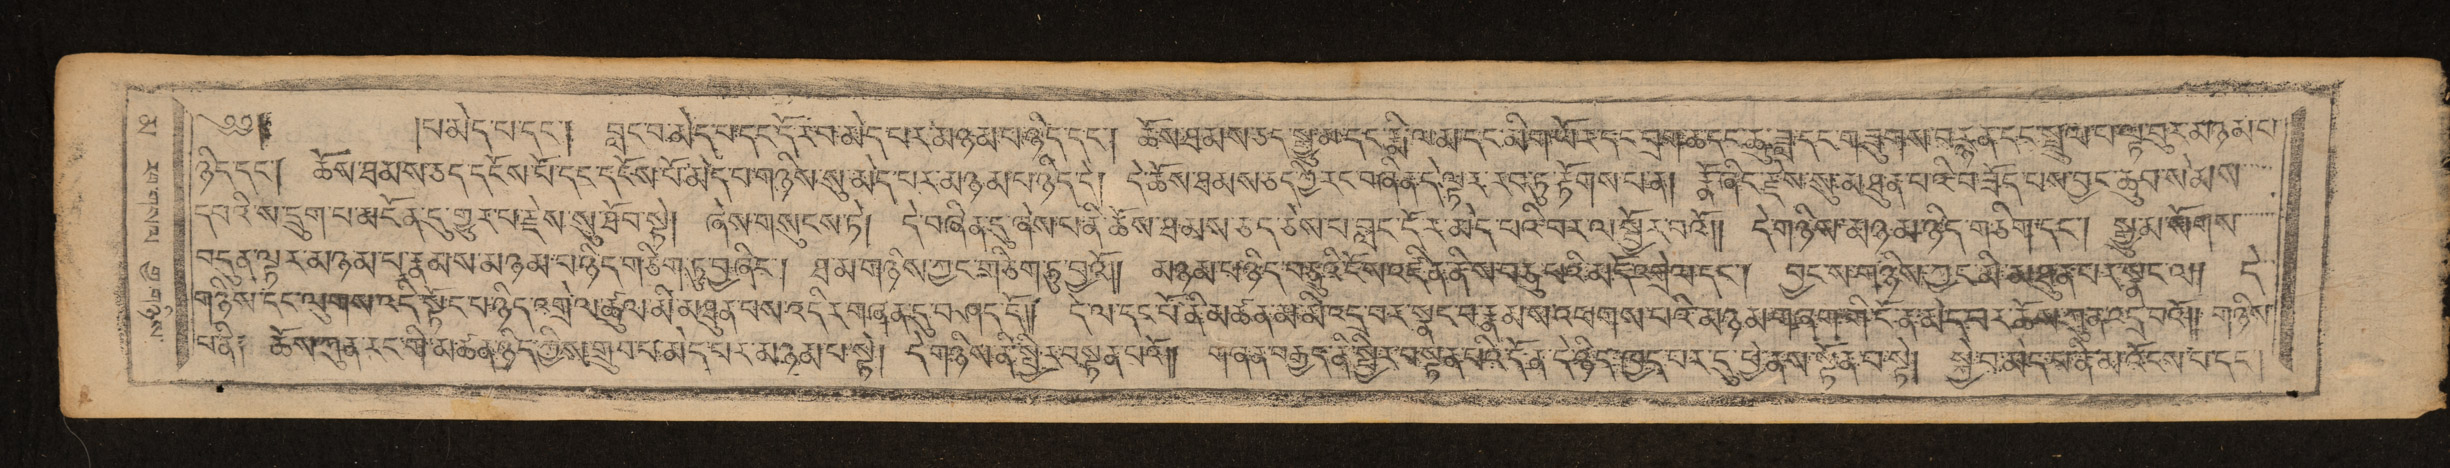༄༅། །པ་མེད་པ་དང་། བླང་བ་མེད་པ་དང་དོར་བ་མེད་པར་མཉམ་པ་ཉིད་དང་། ཆོས་ཐམས་ཅད་སྒྱུ་མ་དང་རྨི་ལམ་དང་མིག་ཡོར་དང་བྲག་ཆ་དང་ཆུ་ཟླ་དང་གཟུགས་བརྙན་དང་སྤྲུལ་པ་ལྟ་བུར་མཉམ་པ་
ཉིད་དང་། ཆོས་ཐམས་ཅད་དངོས་པོ་དང་དངོས་པོ་མེད་པ་གཉིས་སུ་མེད་པར་མཉམ་པ་ཉིད་དེ། དེ་ཆོས་ཐམས་ཅད་ཀྱི་རང་བཞིན་དེ་ལྟར་རབ་ཏུ་རྟོགས་པ་ན། རྣོ་ཞིང་རྗེས་སུ་མཐུན་པའི་བཟོད་པས་བྱང་ཆུབ་སེམས་
དཔའི་ས་དྲུག་པ་མངོན་དུ་གྱུར་པ་རྗེས་སུ་ཐོབ་སྟེ། ཞེས་གསུངས་ཏེ། དེ་བཞིན་དུ་ཞེས་པ་ནི་ཆོས་ཐམས་ཅད་ཅེས་པ་བླང་དོར་མེད་པའི་བར་ལ་སྦྱོར་བའོ།། དེ་གཉིས་མཉམ་ཉིད་གཅིག་དང་། སྒྱུ་མ་སོགས་
བདུན་ལྟར་མཉམ་པ་རྣམས་མཉམ་པ་ཉིད་གཅིག་ཏུ་བྱ་ཞིང་། ཐ་མ་གཉིས་ཀྱང་གཅིག་ཏུ་བྱའོ།། མཉམ་པ་ཉིད་བཅུའི་ངོས་འཛིན་ནི་ས་བཅུ་པའི་མདོ་འགྲེལ་དང་། བྱང་ས་གཉིས་ཀྱང་མི་མཐུན་པར་སྣང་ལ། དེ་
གཉིས་དང་ལུགས་འདི་སྟོང་པ་ཉིད་འགྲེལ་ཚུལ་མི་མཐུན་པས་འདིར་གཞན་དུ་བཤད་དོ།། དེ་ལ་དང་པོ་ནི་མཚན་མ་མི་འདྲ་བར་སྣང་བ་རྣམས་འཕགས་པའི་མཉམ་གཞག་གི་དོན་མེད་པར་ཆོས་ཀུན་འདྲ་བའོ།། གཉིས་
པ་ནི༑ ཆོས་ཀུན་རང་གི་མཚན་ཉིད་ཀྱིས་གྲུབ་པ་མེད་པར་མཉམ་པ་སྟེ། དེ་གཉིས་ནི་སྤྱིར་བསྟན་པའོ།། གཞན་བརྒྱད་ནི་སྤྱིར་བསྟན་པའི་དོན་དེ་ཉིད་ཁྱད་པར་དུ་ཕྱེ་ནས་སྟོན་པ་སྟེ། སྐྱེ་བ་མེད་པ་ནི་མ་འོངས་པ་དང་།